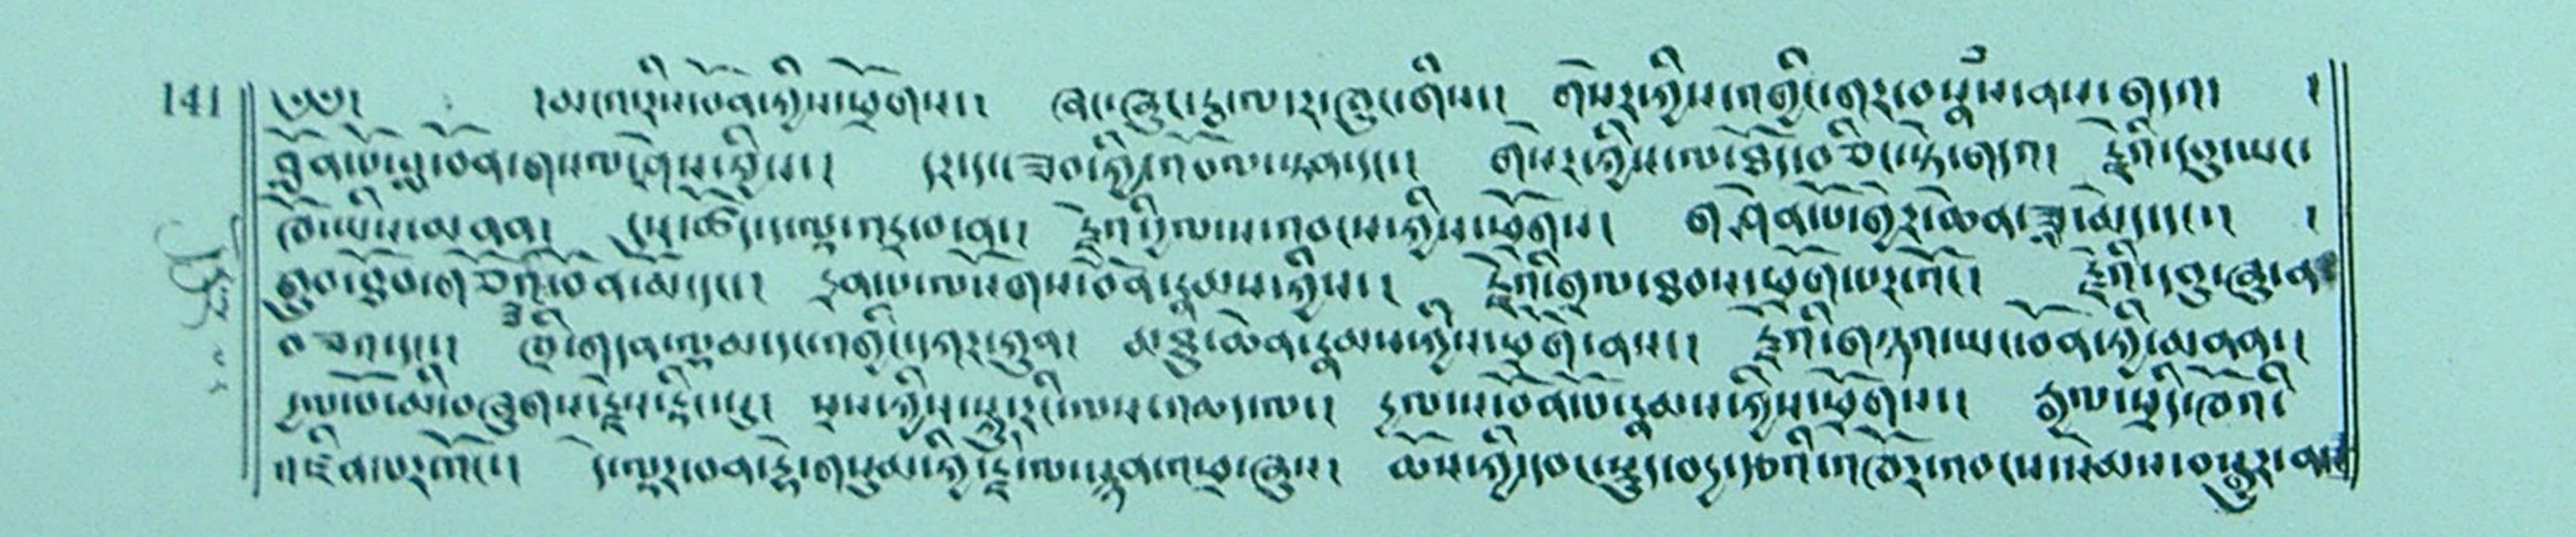༄༅། །མངའ་རིས་བོན་གྱིས་ཕྲོགས། ཞང་ཞུང་རྦ་ལ་ར་ཁྱུང་གིས། གསེར་གྱི་འགྱིང་དཀར་བསྣམས་ནས་གདའ། 
བློན་པོ་བླ་བོན་གསལ་ཤེས་ཀྱིས། དར་དང་ཟབ་ཀྱི་འབོལ་སྟན་དང་། གསེར་གྱི་ལ་ཐོད་བཅིང་སྟེ་གདའ། རྗེ་ཡི་དབུ་ཡང་
ཁོ་ཡིས་མནན། དུས་ཚོད་ད་ལྟ་འདྲ་བས་ན། རྗེའི་རྒྱལ་ས་འབངས་ཀྱིས་ཕྲོགས་པར་འོངས། གཤེན་པོ་གྱེར་ཆེན་ཟླ་མེད་དང་། 
གྲུབ་ཐོབ་གཅོ་ཟའི་བོན་མོ་དང་། དྲན་པ་ལ་སོགས་བོན་རྣམས་ཀྱིས། རྗེའི་གྲལ་ཐབས་ཕྲོགས་པར་འོང་། རྗེའི་དབུ་ཞུ་ན་
བཟའ་དང་། ཁྲི་གདན་ལྷམ་དང་འགྱིང་དཀར་ཀུན། མཐུ་ཆེན་རྣམས་ཀྱིས་ཕྲོག་ནས། རྗེའི་གཉའ་ཡང་བོན་གྱིས་མནན། 
རྒྱལ་པོ་མི་བཞུགས་རྗེས་རྟིང་དུ། སྲས་ཀྱི་སྐུ་རིང་ལས་འཆད་ལ། རྒྱལ་ས་བོན་པོ་རྣམས་ཀྱིས་ཕྲོགས། རྒྱལ་སྲིད་ཁོའི་
འཛིན་པར་འོང་། དེ་ལྟར་བན་དྷེ་གསུམ་གྱིས་རྗེ་ལ་སྙན་འཕྲ་ཞུས། ཆོས་ཀྱི་དབང་སྡུད་བརྒྱ་རྩའི་འཁོར་འབངས་སེམས་བསྒྱུར་ནས།